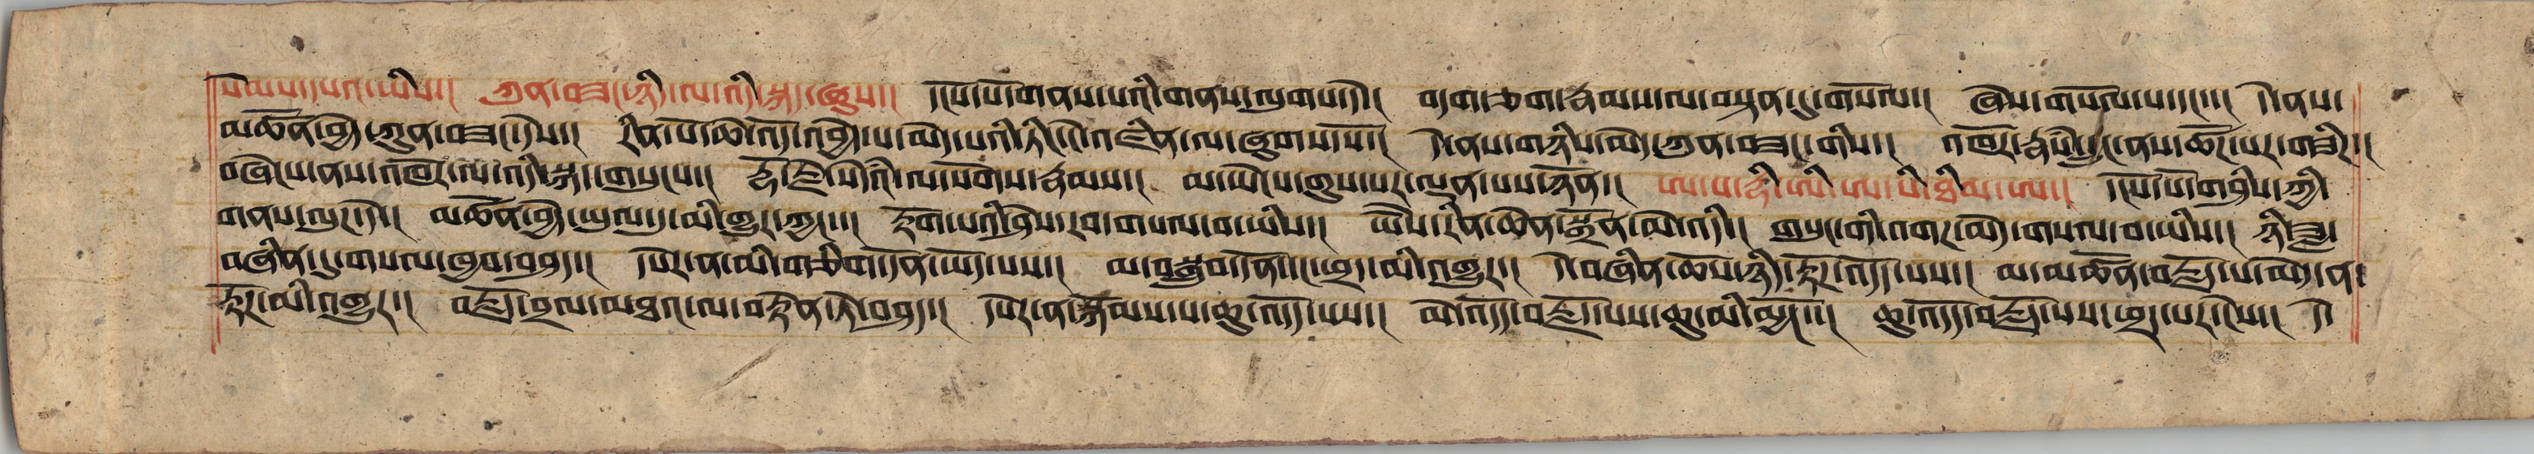སེམས་དཔའ་ཡིས་། ཀུན་བཟང་ཉིད་ལ་འདི་སྐད་ཞུས་། དངོས་པོ་གནས་པའི་གནས་ལུགས་དེ་། བདག་ཅག་རྣམས་ལ་བསྟན་དུ་གསོལ་། ཞེས་གསོལ་པ་དང་་། དེ་ནས་
མཚན་བྱེད་ཀུན་བཟང་དེས་། རིན་པོ་ཆེ་འོད་འབྱེད་པ་མེད་པའི་ཏིང་ངེ་འཛིན་ལ་ཞུགས་སོ་། དེ་ནས་གཉིས་མེད་ཀུན་བཟང་གིས་། འཁོར་རྣཾས་དྲུང་ནས་ཚོཌ་པར་གཟིཌ་།
བཞེངས་ནས་འཁོར་ལ་འདི་སྐད་གསུངས་། རྡོ་རྗེ་སེདཾའ་ལ་སོགས་རྣམས་། མཡེངས་གུས་པར་ལྡན་པས་ཉོན་། ཨ་ས་རྡི་ཨི་ཨཱ་སི་ཐིམ་ཨ་། དངོས་པོ་གཤིས་ཀྱི་
གནས་ལུཌ་དེ་། མཚོན་བྱེད་ཡུལ་དུ་མི་གྱུར་ཀྱང་་། རྟོག་པའི་ཤེས་རབ་གསལ་བ་ཡིས་། ཡཻས་རིན་ཆེན་སྒྲོན་མེ་འདི་། གསུང་གི་འགཌ་མེད་གསལ་བ་ཡིས་། ཉི་ཟླ་
བཞིན་དུ་གསལ་ཁྱབ་བཤད་། དཔེར་ན་མི་གཅིག་དོན་ཡོད་པས་། མ་བསྒྲུབ་དོན་དང་ཕྲད་མི་འགྱུར་། དེ་བཞིན་ཆོས་ཉིད་རྟོཌ་འདོད་པས་། མ་མཚོན་བརྗོད་པ་མེད་ན་
རྟོཌ་མི་འགྱུར་། བརྗོད་བྲལ་མཐའ་ལ་བརྟེན་ཏེ་བཤད་། དཔེར་ན་སྐོམས་པ་ཆུ་འོདད་པས་། མེ་འོདད་བརྗོད་པས་ཆུ་མི་མྱོང་་། ཆུ་འོདད་བརྗོད་པས་ཕྲད་པར་ངེས་།